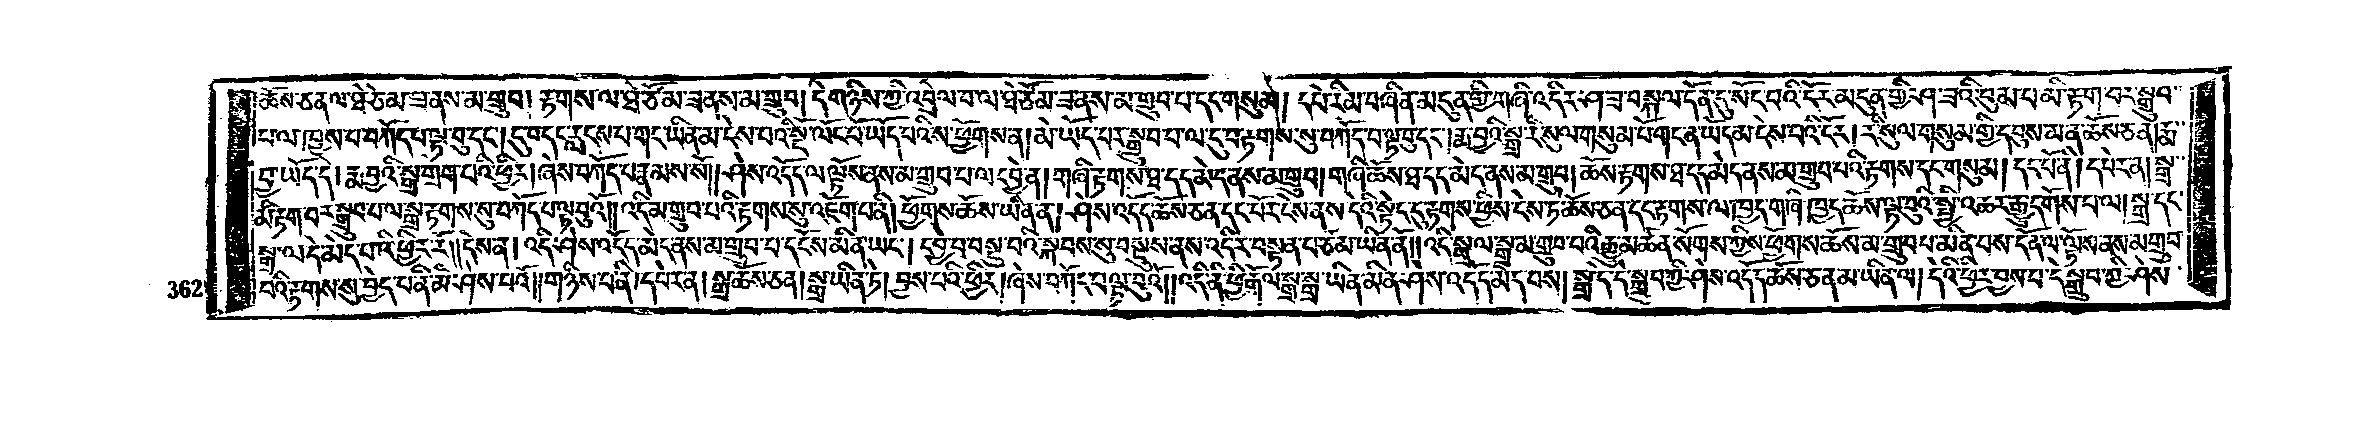ཆོས་ཅན་ལ་ཐེ་ཙོམ་ཟ་ནས་མ་གྲུབ། རྟགས་ལ་ཐེ་ཙོམ་ཟ་ནས་མ་གྲུབ། དེ་གཉིས་ཀྱི་འབྲེལ་བ་ལ་ཐེ་ཙོམ་ཟ་ནས་མ་གྲུབ་པ་དང་གསུམ། དཔེ་རིམ་བཞིན་མདུན་གྱི་གཞི་འདིར་ཤ་ཟའི་བསྐལ་དོན་དུ་སོང་བའི་ངོར་མདུན་གྱི་ཤ་ཟའི་བུམ་པ་མི་རྟག་པར་སྒྲུབ་
པ་ལ་ཁྱས་པ་བཀོད་པ་ལྟ་བུ་དང་། དུ་བ་དང་རླངས་པ་གང་ཡིན་མ་ངེས་པའི་སྔོ་ལོང་པོ་ཡོད་པའི་ས་ཕྱོགས་ན། མེ་ཡོད་པར་སྒྲུབ་པ་ལ་དུ་བ་རྟགས་སུ་བཀོད་པ་ལྟ་བུ་དང་། རྨ་བྱའི་སྒྲ་རི་སུ་ལ་གསུམ་པོ་གང་ན་ཡོད་མ་ངེས་པའི་ངོར། རི་སུ་ལ་གསུམ་གྱི་དབུས་མ་ན་ཆོས་ཅན། རྨ་
བྱ་ཡོད་དེ། རྨ་བྱའི་སྒྲ་གྲག་པའི་ཕྱིར། ཞེས་བཀོད་པ་རྣམས་སོ། །ཤེས་འདོད་ལ་ལྟོས་ནས་མ་གྲུབ་པ་ལ་དབྱེ་ན། གཞི་རྟགས་ཐ་དད་མེད་ནས་མ་གྲུབ། གཞི་ཆོས་ཐ་དད་མེད་ནས་མ་གྲུབ། ཆོས་རྟགས་ཐ་དད་མེད་ནས་མ་གྲུབ་པའི་རྟགས་དང་གསུམ། དང་པོ་ནི། དཔེར་ན། སྒྲ་
མི་རྟག་པར་སྒྲུབ་པ་ལ་སྒྲ་རྟགས་སུ་བཀོད་པ་ལྟ་བུའོ། །འདི་མ་གྲུབ་པའི་རྟགས་སུ་འཇོག་པ་ནི། ཕྱོགས་ཆོས་ཡིན་ན། ཤེས་འདོད་ཆོས་ཅན་དང་པོར་ངེས་ནས་དེའི་སྟེང་དུ་རྟགས་ཕྱིས་ངེས་ཏེ་ཆོས་ཅན་དང་རྟགས་ལ་ཁྱད་གཞི་ཁྱད་ཆོས་ལྟ་བུའི་སྤྱི་འཆར་རྒྱུ་དགོས་པ་ལ། སྒྲ་དང་
སྒྲ་ལ་དེ་མེད་པའི་ཕྱིར་རོ། །དེས་ན། འདི་ཤེས་འདོད་མེད་ནས་མ་གྲུབ་པ་དངོས་མིན་ཡང་། དབྱེ་བ་བསྡུ་བའི་སྐབས་སུ་བསྡུས་ནས་འདིར་བསྟན་པ་ཙམ་ཡིན་ནོ། །འདི་སྒྲ་ལ་སྒྲ་མ་གྲུབ་པའི་རྒྱུ་མཚན་སོགས་ཀྱིས་ཕྱོགས་ཆོས་མ་གྲུབ་པ་མིན་པས་དོན་ལ་ལྟོས་ནས་མ་གྲུབ་
པའི་རྟགས་སུ་བྱེད་པ་ནི་མི་ཤེས་པའོ། །གཉིས་པ་ནི། དཔེར་ན། སྒྲ་ཆོས་ཅན། སྒྲ་ཡིན་ཏེ། བྱས་པའི་ཕྱིར། ཞེས་བཀོད་པ་ལྟ་བུའོ། །འདི་ནི་ཕྱི་རྒོལ་སྒྲ་སྒྲ་ཡིན་མིན་ཤེས་འདོད་མེད་པས། སྒྲ་དེ་དེ་སྒྲུབ་ཀྱི་ཤེས་འདོད་ཆོས་ཅན་མ་ཡིན་ལ། དེའི་ཕྱིར་བྱས་པ་དེ་སྒྲུབ་ཀྱི་ཤེས་